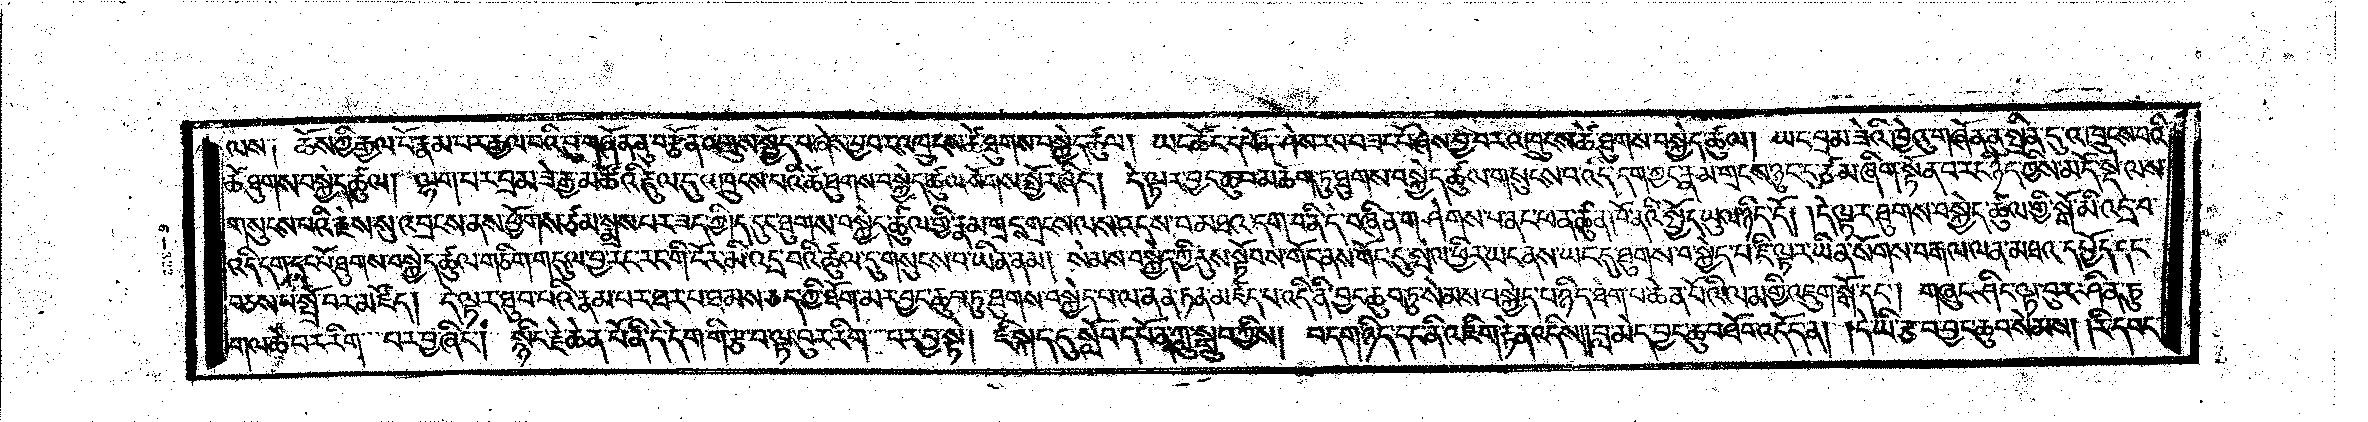ལས༑ ཆོས་ཀྱི་རྒྱལ་པོ་རྣམ་པར་རྒྱལ་བའི་བུ་གཞོན་ནུ་བརྩོན་འགྲུས་སྤྱོད་པ་ཞེས་བྱ་བར་འཁྲུངས་ཚེ་ཐུགས་བསྐྱེད་ཚུལ། ཡང་ཚོང་དཔོན་ཤེས་རབ་བཟང་པོ་ཞེས་བྱ་བར་འཁྲུངས་ཚེ་ཐུགས་བསྐྱེད་ཚུལ། ཡང་བྲམ་ཟེའི་ཁྱེའུ་གཞོན་ནུ་སྤྲིན་དུ་འཁྲུངས་པའི་
ཚེ་ཐུགས་བསྐྱེད་ཚུལ། ལྷག་པར་བྲམ་ཟེ་རྒྱ་མཚོའི་རྡུལ་དུ་འཁྲུངས་པའི་ཚེ་ཐུགས་བསྐྱེད་ཚུལ་སོགས་སྦྱོར་ཞིང་། དེ་ལྟར་བྱང་ཆུབ་མཆོག་ཏུ་ཐུགས་བསྐྱེད་ཚུལ་གསུངས་པ་འདི་དག་ཀྱང་རྣམ་གྲངས་ཉུང་ངུ་ཙམ་ཞིག་སྟོན་པ་རང་ཉིད་ཀྱིས་མདོ་སྡེ་ལས་
གསུངས་པའི་རྗེས་སུ་འབྲངས་ནས་ཕྱོགས་ཙམ་སྨྲས་པར་ཟད་ཀྱི། ད་དུང་ཐུགས་བསྐྱེད་ཚུལ་གྱི་རྣམ་གྲངས་ལས་འདུས་བ་མཐའ་དག་པ་ནི་དེ་བཞིན་གཤེགས་པ་ནང་ཕན་ཚུན་ཁོ་ནའི་སྤྱོད་ཡུལ་ཉིད་དོ། །དེ་ལྟར་ཐུགས་བསྐྱེད་ཚུལ་གྱི་སྒོ་མི་འདྲ་བ་
འདི་དག་དང་པོ་ཐུགས་བསྐྱེད་ཚུལ་གཅིག་གདུལ་བྱ་རང་རང་གི་ངོར་མི་འདྲ་བའི་ཚུལ་དུ་གསུངས་པ་ཡིན་ནམ། སེམས་བསྐྱེད་ཀྱི་རུས་སྟོབས་གོང་ནས་གོང་དུ་སྤེལ་ཕྱིར་ཡང་ནས་ཡང་དུ་ཐུགས་བ་བསྐྱེད་པ་ཇི་ལྟར་ཡིན་སོགས་བརྒལ་ལན་མཐའ་དཔྱོད་དང་
བཅས་པ་སྤྲོ་བར་མཛོད། དེ་ལྟར་ཐུབ་པའི་རྣམ་པར་ཐར་པ་ཐམས་ཅད་ཀྱི་ཐོག་མར་བྱང་ཆུབ་ཏུ་ཐུགས་བསྐྱེད་པ་ལ་ནན་ཏན་མཛད་པ་འདི་ནི་བྱང་ཆུབ་ཏུ་སེམས་བསྐྱེད་པ་ཉིད་ཐེག་པ་ཆེན་པོའི་ལམ་གྱི་འཇུག་སྒོ་དང་། གཞུང་ཤིང་ལྟ་བུར་ཤིན་ཏུ་
གལ་ཆེ་བར་རིག་པར་བྱ་ཞིང་། སྙིང་རྗེ་ཆེན་པོ་ནི་དེ་དག་གི་རྩ་བ་ལྟ་བུར་རིག་པར་བྱ་སྟེ། ཇི་སྐད་དུ་སློབ་དཔོན་ཀླུ་སྒྲུབ་ཀྱིས། བདག་ཉིད་དང་ནི་འཇིག་རྟེན་འདིས། །བླ་མེད་བྱང་ཆུབ་ཐོབ་འདོད་ན། །དེ་ཡི་རྩ་བ་བྱང་ཆུབ་སེམས། །རི་དབང་